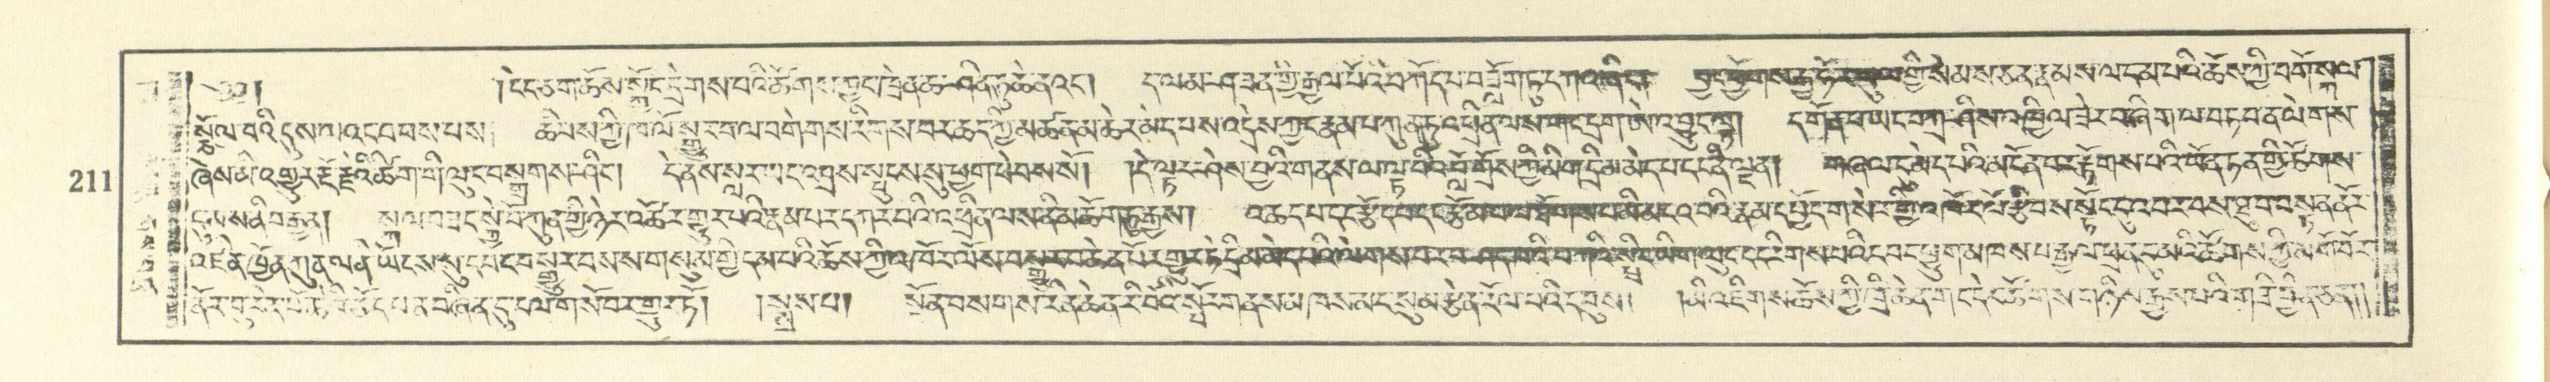༄༅། །ངེད་ཅག་ཆོས་སྐྱོང་དྲེགས་པའི་ཚོགས་ཀྱང་ཁྲེན་ཆ་ཤིན་ཏུ་ཆེ་ནའང་། ད་ལམ་ཤ་ཟན་གྱི་རྒྱལ་པོའི་བཀོད་པ་བཟློག་ཏུ་དཀའ་ཞིང་། བྱང་ཕྱོགས་རྒྱ་ཧོར་ཡུལ་གྱི་སེམས་ཅན་རྣམས་ལ་དམ་པའི་ཆོས་ཀྱི་བགོ་སྐལ་
སྩོལ་བའི་དུས་ལའང་བབས་པས། ཆིབས་ཀྱི་ཁ་ལོ་སྒྱུར་བ་ལ་བགེགས་རིགས་བར་ཆད་ཀྱི་མཚན་མ་ཆེར་མེད་པས་འདྲེས་ཀྱང་རྣམ་པ་ཀུན་ཏུ་འཕྲིན་ལས་གང་དྲག་ཨེ་འབྱུང་ལྟ། དགོན་པ་ཡང་བཀྲ་ཤིས་འཁྱིལ་ཟེར་བ་ཞིག་ལ་བཏབ་ན་ལེགས་
ཞེས་མི་འགྱུར་རྡོ་རྗེའི་ཚིག་གི་ལུང་བསྒྲགས་ཤིང་། དེ་ནས་སླར་ཡང་འབྲས་སྤུངས་སུ་ཕྱག་ཕེབས་སོ། །དེ་ལྟར་ཤེས་བྱའི་གནས་ལ་ལྟ་བའི་བློ་གྲོས་ཀྱི་མིག་དྲི་མ་མེད་པ་དང་ནི་ལྡན། གཞལ་དུ་མེད་པའི་མངོན་པར་རྟོགས་པའི་ཡོན་ཏན་གྱི་ཚོགས་
དུ་མས་ནི་བརྒྱན། སྐལ་བཟང་སྐྱེ་བོ་ཀུན་གྱི་ཉེར་འཚོར་གྱུར་པའི་རྣམ་པར་དཀར་པའི་འཕྲིན་ལས་ནི་མཆོག་ཏུ་རྒྱས། འཆད་པ་དང་རྩོད་པ་དང་རྩོམ་པ་ལ་ཐོགས་པ་མི་མངའ་བའི་རྣམ་དཔྱོད་གསེར་གྱི་འཁོར་ལོ་རྩིབས་སྟོང་དུ་འབར་བས་ཐུབ་བསྟན་ནོར་
འཛིན་ཁྱོན་ཀུན་ལ་ནི་ཡོངས་སུ་དབང་བསྒྱུར་བས་ས་གསུམ་གྱི་དམ་པའི་ཆོས་ཀྱི་འཁོར་ལོས་བསྒྱུར་བ་ཆེན་པོར་གྱུར་ཏེ་དྲི་མ་མེད་པའི་ལེགས་པར་བཤད་པའི་བཀའི་སྤྲིང་ཡིག་ལུང་དང་རིགས་པའི་དབང་ཕྱུག་མཁས་པ་རྒྱལ་ཕྲན་དུ་མའི་ཚོགས་ཀྱི་མགོ་བོར་
ནོར་བུ་རིན་པོ་ཆེའི་ཅོད་པན་བཞིན་དུ་ངལ་གསོ་བར་གྱུར་ཏོ། །སྨྲས་པ། སྔོན་བསགས་རིན་ཆེན་རི་བོའི་སྤོར་གནས་མཁས་མང་སུམ་རྩེན་རོལ་པའི་དབུས། །མི་འཇིགས་ཆོས་ཀྱི་ཁྲི་ཆེན་གང་དེར་ཚོགས་གཉིས་རྒྱས་པའི་གཟི་བྱིན་ཅན།།